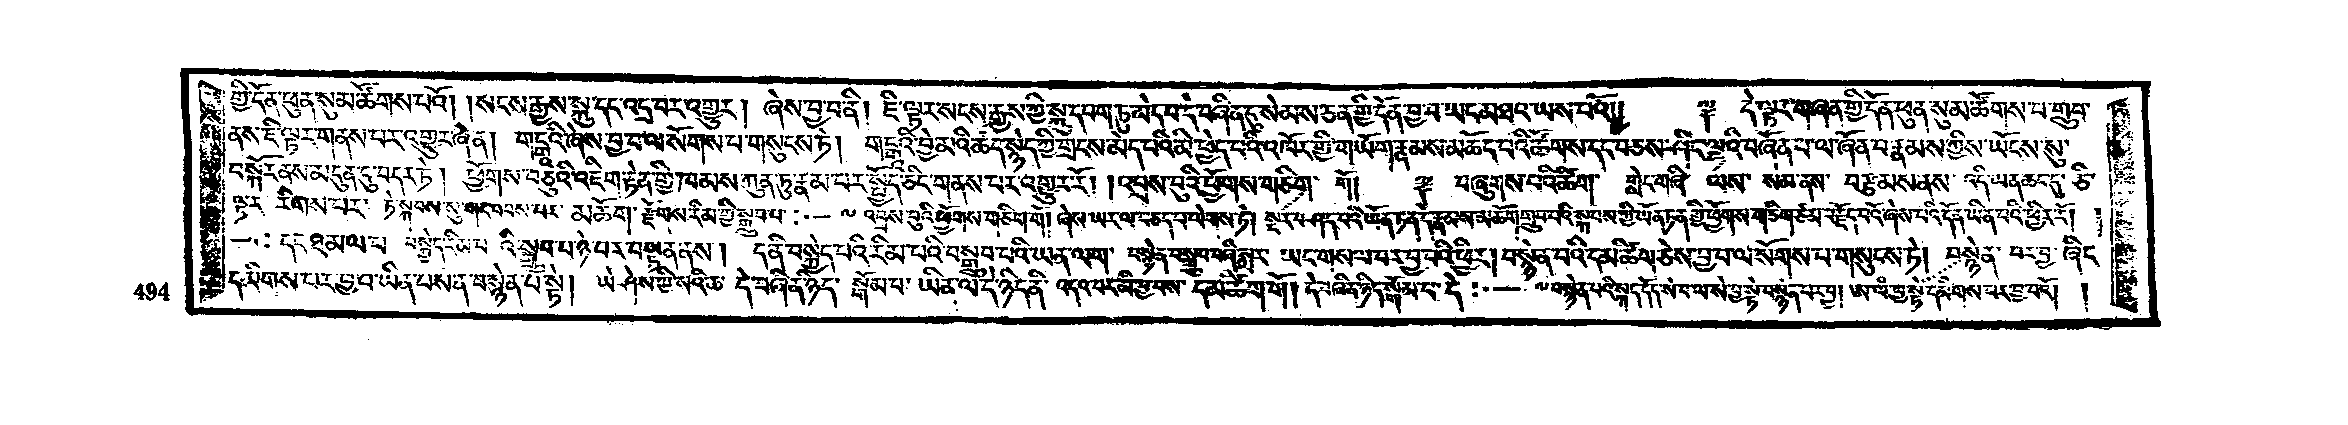གྱི་དོན་ཕུན་སུམ་ཚོགས་པའོ། །སངས་རྒྱས་སྐུ་དང་འདྲ་བར་འགྱུར། ཞེས་བྱ་བ་ནི། ཇི་ལྟར་སངས་རྒྱས་ཀྱི་སྐུ་དཔག་ཏུ་མེད་པ་དེ་བཞིན་དུ་སེམས་ཅན་གྱི་དོན་བྱ་བ་ཡང་མཐའ་ཡས་པའོ།། ༈ དེ་ལྟར་གཞན་གྱི་དོན་ཕུན་སུམ་ཚོགས་པ་གྲུབ་
ནས་ཇི་ལྟར་གནས་པར་འགྱུར་ཞེ་ན། གངྒཱའི་ཞེས་བྱ་བ་ལ་སོགས་པ་གསུངས་ཏེ། གངྒཱའི་བྱེ་མའི་ཚད་སྙེད་ཀྱི་གྲངས་མེད་པའི་མི་ཕྱེད་པའི་འཁོར་གྱི་གཡོག་རྣམས་མཆོད་པའི་ཚོགས་དང་བཅས་ཤིང་ལྷའི་བཞོན་པ་ལ་ཞོན་པ་རྣམས་ཀྱིས་ཡོངས་སུ་
བསྐོར་ནས་མདུན་དུ་བདར་ཏེ། ཕྱོགས་བཅུའི་འཇིག་རྟེན་གྱི་ཁམས་ཀུན་ཏུ་རྣམ་པར་སྤྱོད་ཅིང་གནས་པར་འགྱུར་རོ། །འབྲས་བུའི་ཕྱོགས་གཅིག་གོ། ༈ བཞུགས་པའི་ཚིག་གླེང་གཞི་ལས་སམ་ནས་བརྩམས་ནས་འདི་ཡན་ཆད་དུ་ཅི་
ལྟར་རིགས་པར་ཏེ་སྐབས་སུ་གང་བབས་པར་མཆོག་རྫོགས་རིམ་གྱི་སྒྲུབ་པ་H.་༧་འབྲས་བུའི་ཕྱོགས་གཅིག་གོ །ཞེས་ཡར་ལ་བཅད་པ་ལེགས་ཏེ། སྔར་བཤད་པའི་ཡོན་ཏན་དེ་རྣམས་མཆོག་གྲུབ་པའི་སྐབས་ཀྱི་ཡོན་ཏན་གྱི་ཕྱོགས་གཅིག་ཙམ་བརྗོད་པའོ་ཞེས་པའི་དོན་ཡིན་པའི་ཕྱིར་རོ། །
.H དང་ཐ་མལ་པ་བསྐྱེད་རིམ་པའི་སྒྲུབ་པ་ཉེ་བར་བསྟན་ནས། ད་ནི་བསྐྱེད་པའི་རིམ་པའི་བསྒྲུབ་པའི་ཡན་ལག་བསྙེན་བསྒྲུབ་བཞི་སྲར་ཡང་གསལ་བར་བྱ་བའི་ཕྱིར། བསྙེན་པའི་དམ་ཚིག་ཅེས་བྱ་བ་ལ་སོགས་པ་གསུངས་ཏེ། བསྙེན་པར་བྱ་ཞིང་
དམིགས་པར་བྱ་བ་ཡིན་པས་ན་བསྙེན་པ་སྟེ། ཡེ་ཤེས་ཀྱི་སའི་ཆ་དེ་བཞིན་ཉིད་སྒོམ་པ་ཡིན་ལ་དེ་ཉིད་ནི་འདའ་བར་མི་བྱ་བས་དམ་ཚིག་གོ། དེ་བཞིན་ཉིད་སྒོམ་པ་དེཿ་༧་བསྙེན་པའི་སྐད་དོད་སེ་བ་ལ་སེ་བྱ་སྟེ་བསྙེན་པར་བྱ། ཨ་ལཾ་བྱ་སྟེ་དམིགས་པར་བྱ་བའོ། །